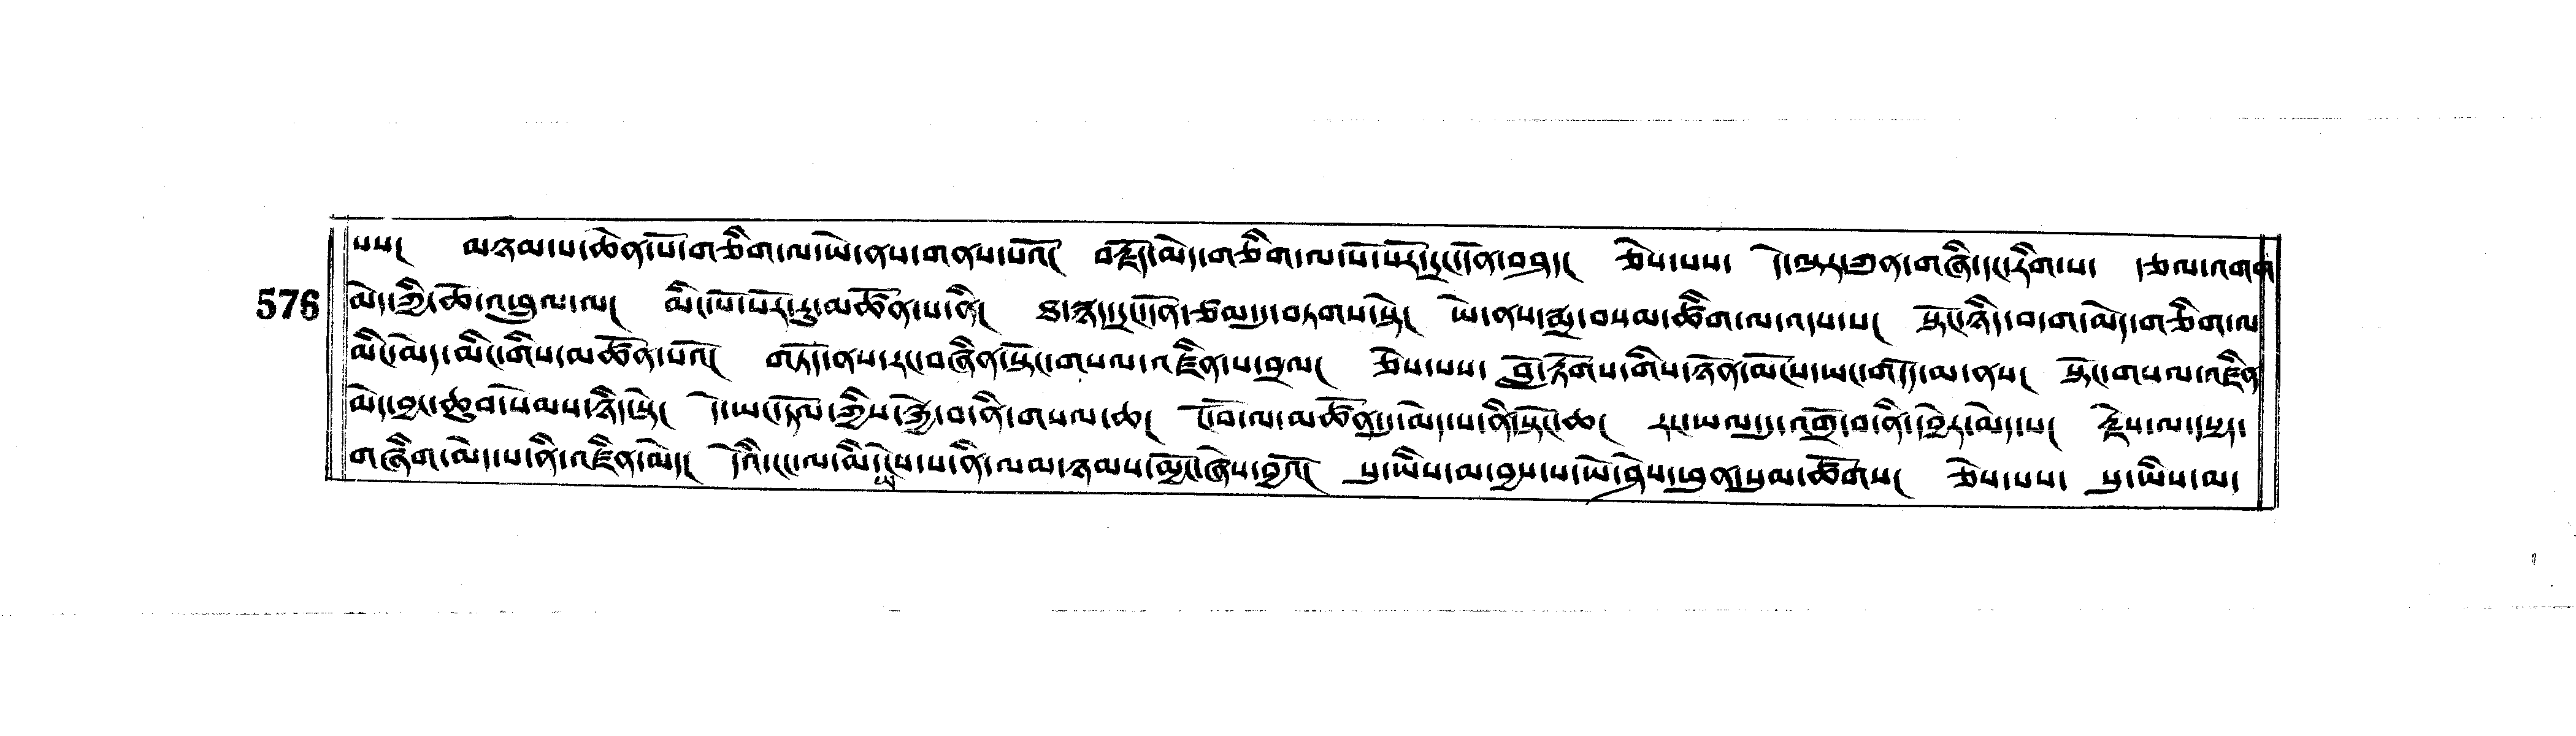པས། མཉམ་པ་ཆེན་པོ་གཅིག་ལ་ཡེ་ནས་གནས་པའོ། བརྗོད་མེད་གཅིག་ལ་སོ་སོར་དྲང་དོན་བཤད། ཅེས་པས། དེ་ལྟར་ཀུན་གཞི་རང་རིག་པ། རྩལ་འགག་
མེད་ཀྱི་ཆོ་འཕྲུལ་ལ། མིང་སོ་སོ་རུ་མཚོན་པ་ནི། ཐ་སྙད་དྲང་དོན་ཙམ་དུ་བཏགས་ཏེ། ཡེ་ནས་སྨྲ་བསམ་ཚིག་ལས་འདས་པ། སྟོང་ཉིད་བདག་མེད་གཅིག་ལ་
མིང་མེད་མིང་གིས་མཚོན་པའོ། གདོད་ནས་རང་བཞིན་སྟོང་གསལ་འཛིན་པ་བྲལ། ཅེས་པས། བློ་རྟོག་གི་ཉོན་མོངས་ཡང་གདོད་མ་ནས་སྟོང་གསལ་འཛིན་
མེད་བྱང་ཆུབ་སེམས་ཉིད་སྟེ། དེ་ཡང་ཏོལ་གྱིས་སྐྱེ་བ་ནི་གསལ་ཆ། ངོ་བོ་ལ་མཚོན་དུ་མེད་པ་ནི་སྟོང་ཆ། རང་ཡལ་དུ་འགྲོ་བ་ནི་དབྱེར་མེད་པ། རྗེས་ལ་དཔྱད་
གཞིག་མེད་པ་ནི་འཛིན་མེད། དེའི་ངང་ལ་མི་ཡེངས་པ་ནི་ལམ་ཉམས་མྱོང་ཞེས་བྱའོ། སུ་ཡིས་མ་བྱས་པ་ཡེ་ཤེས་ཕུན་སུམ་ཚོགས། ཅེས་པས། སུ་ཡིས་མ་